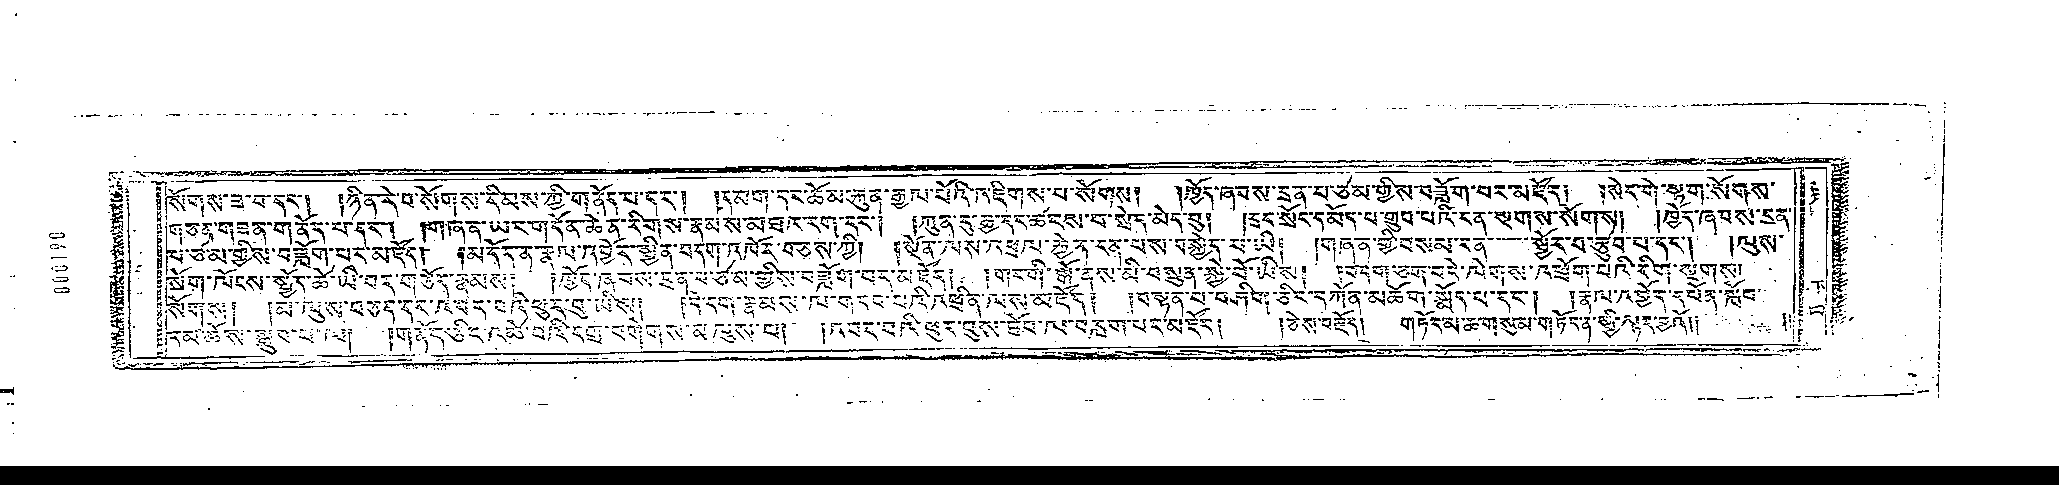སོགས་ཟ་བ་དང་། །ཉིན་རེ་བ་སོགས་རིམས་ཀྱི་གནོད་པ་དང་། དམག་དང་ཆོམ་རྐུན་རྒྱལ་པོའི་འཇིགས་པ་སོགས། །ཁྱོད་ཞབས་དྲན་པ་ཙམ་གྱིས་བཟློག་པར་མཛོད། །སེང་གེ་སྟག་སོགས་
གཅན་གཟན་གནོད་པ་དང་། །གཞན་ཡང་གདོན་ཆེན་རིགས་རྣམས་མཐའ་དག་དང་། །ཀུན་དུ་རྒྱུ་དང་ཚངས་པ་སྲེད་མེད་བུ། །དྲང་སྲོང་དམོད་པ་གྲུབ་པའི་ངན་སྔགས་སོགས། །ཁྱོད་ཞབས་དྲན་
པ་ཙམ་གྱིས་བཟློག་པར་མཛོད། །མདོར་ན་རྣལ་འབྱོར་སྦྱིན་བདག་འཁོར་བཅས་ཀྱི། །སྔོན་ལས་འཕྲལ་རྐྱེན་ངན་པས་བསྐྱེད་པ་ཡི། །གཞན་གྱི་བསམ་ངན་སྦྱོར་བ་རྩུབ་པ་དང་། །ལུས་
སྲོག་ལོངས་སྐྱོད་ཚེ་ཡི་བར་གཅོད་རྣམས། །ཁྱོད་ཞབས་དྲན་པ་ཙམ་གྱིས་བཟློག་པར་མཛོད། །གང་གི་སྒོ་ནས་མི་བསྲུན་སྐྱེ་བོ་ཡིས། །བདག་ཅག་བདེ་ལེགས་འཕྲོག་པའི་རིགས་སྔགས་
སོགས། །མ་ལུས་བཅད་དང་འབར་བའི་ཕུར་བུ་ཡིས། །དེ་དག་རྣམས་ལ་གདབ་པའི་འཕྲིན་ལས་མཛོད། །བསྟན་པ་བཤིག་ཅིང་དཀོན་མཆོག་སྨོད་པ་དང་། །རྣལ་འབྱོར་དཔོན་སློབ་
དམ་ཆོས་སྒྲུབ་པ་ལ། །གནོད་ཅིང་འཚེ་བའི་དགྲ་བགེགས་མ་ལུས་པ། །འབར་བའི་ཕུར་བུས་ཐོབ་ལ་བརླག་པར་མཛོད། །ཅེས་བརྗོད། གཏོར་མ་ཆ་གསུམ་གཏོང་ན་སྤྱི་ལྟར་བྱའོ།། །།